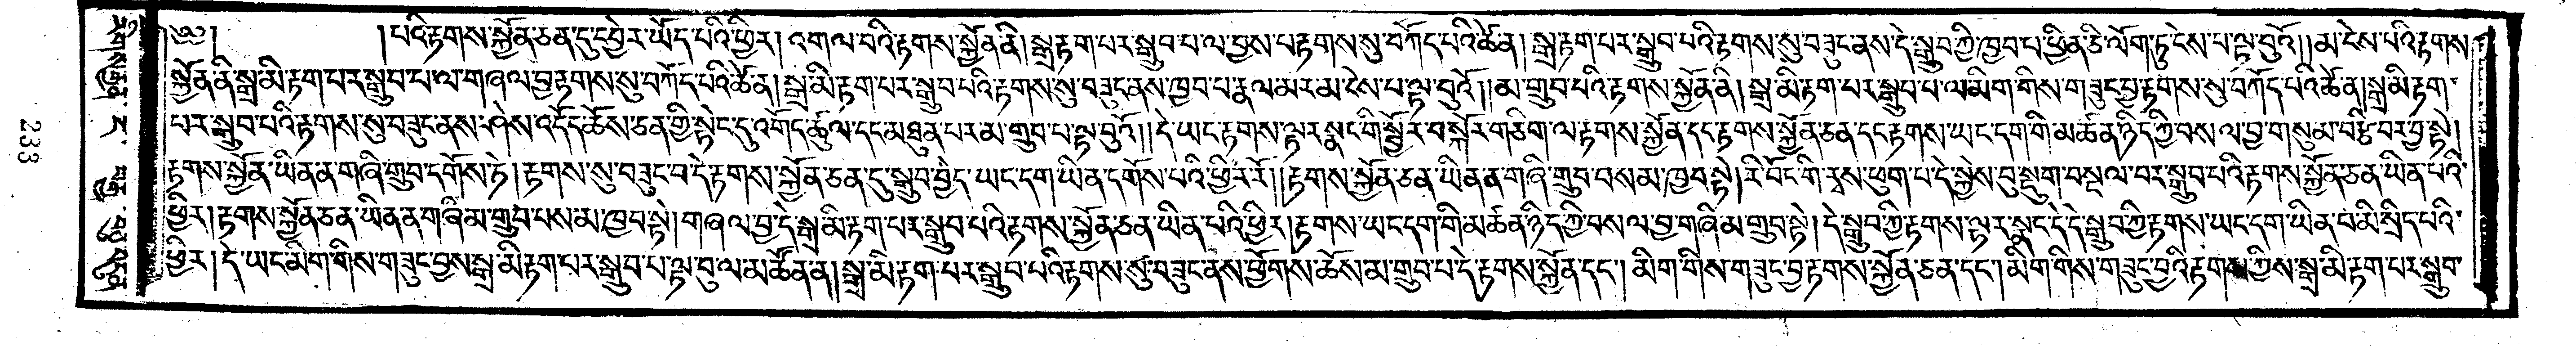༄༅། །པའི་རྟགས་སྐྱོན་ཅན་དུ་དབྱེར་ཡོད་པའི་ཕྱིར། འགལ་བའི་རྟགས་སྐྱོན་ནི། སྒྲ་རྟག་པར་སྒྲུབ་པ་ལ་བྱས་པ་རྟགས་སུ་བཀོད་པའི་ཚེ་ན། སྒྲ་རྟག་པར་སྒྲུབ་པའི་རྟགས་སུ་བཟུང་ནས་དེ་སྒྲུབ་ཀྱི་ཁྱབ་པ་ཕྱིན་ཅི་ལོག་ཏུ་ངེས་པ་ལྟ་བུའོ། །མ་ངེས་པའི་རྟགས་
སྐྱོན་ནི་སྒྲ་མི་རྟག་པར་སྒྲུབ་པ་ལ་གཞལ་བྱ་རྟགས་སུ་བཀོད་པའི་ཚེ་ན། སྒྲ་མི་རྟག་པར་སྒྲུབ་པའི་རྟགས་སུ་བཟུང་ནས་ཁྱབ་པ་རྣལ་མར་མ་ངེས་པ་ལྟ་བུའོ། །མ་གྲུབ་པའི་རྟགས་སྐྱོན་ནི། སྒྲ་མི་རྟག་པར་སྒྲུབ་པ་ལ་མིག་གིས་གཟུང་བྱ་རྟགས་སུ་བཀོད་པའི་ཚེ་ན། སྒྲ་མི་རྟག་
པར་སྒྲུབ་པའི་རྟགས་སུ་བཟུང་ནས་ཤེས་འདོད་ཆོས་ཅན་གྱི་སྟེང་དུ་འགོད་ཚུལ་དང་མཐུན་པར་མ་གྲུབ་པ་ལྟ་བུའོ། །དེ་ཡང་རྟགས་ལྟར་སྣང་གི་སྦྱོར་བ་སྐོར་གཅིག་ལ་རྟགས་སྐྱོན་དང་རྟགས་སྐྱོན་ཅན་དང་རྟགས་ཡང་དག་གི་མཚན་ཉིད་ཀྱི་བསལ་བྱ་གསུམ་བརྩི་བར་བྱ་སྟེ།
རྟགས་སྐྱོན་ཡིན་ན་གཞི་གྲུབ་དགོས་ཏེ། རྟགས་སུ་བཟུང་བ་དེ་རྟགས་སྐྱོན་ཅན་དུ་སྒྲུབ་བྱེད་ཡང་དག་ཡིན་དགོས་པའི་ཕྱིར་རོ། །རྟགས་སྐྱོན་ཅན་ཡིན་ན་གཞི་གྲུབ་པས་མ་ཁྱབ་སྟེ། རི་བོང་གི་རྭས་ཕུག་པ་དེ་སྐྱེས་བུ་སྡུག་བསྔལ་བར་སྒྲུབ་པའི་རྟགས་སྐྱོན་ཅན་ཡིན་པའི་
ཕྱིར། རྟགས་སྐྱོན་ཅན་ཡིན་ན་གཞི་མ་གྲུབ་པས་མ་ཁྱབ་སྟེ། གཞལ་བྱ་དེ་སྒྲ་མི་རྟག་པར་སྒྲུབ་པའི་རྟགས་སྐྱོན་ཅན་ཡིན་པའི་ཕྱིར། རྟགས་ཡང་དག་གི་མཚན་ཉིད་ཀྱི་བསལ་བྱ་གཞི་མ་གྲུབ་སྟེ། དེ་སྒྲུབ་ཀྱི་རྟགས་ལྟར་སྣང་དེ་དེ་སྒྲུབ་ཀྱི་རྟགས་ཡང་དག་ཡིན་པ་མི་སྲིད་པའི་
ཕྱིར། དེ་ཡང་མིག་གིས་གཟུང་བྱས་སྒྲ་མི་རྟག་པར་སྒྲུབ་པ་ལྟ་བུ་ལ་མཚོན་ན། སྒྲ་མི་རྟག་པར་སྒྲུབ་པའི་རྟགས་སུ་བཟུང་ནས་ཕྱོགས་ཆོས་མ་གྲུབ་པ་དེ་རྟགས་སྐྱོན་དང་། མིག་གིས་གཟུང་བྱ་རྟགས་སྐྱོན་ཅན་དང་། མིག་གིས་གཟུང་བྱའི་རྟགས་ཀྱིས་སྒྲ་མི་རྟག་པར་སྒྲུབ་